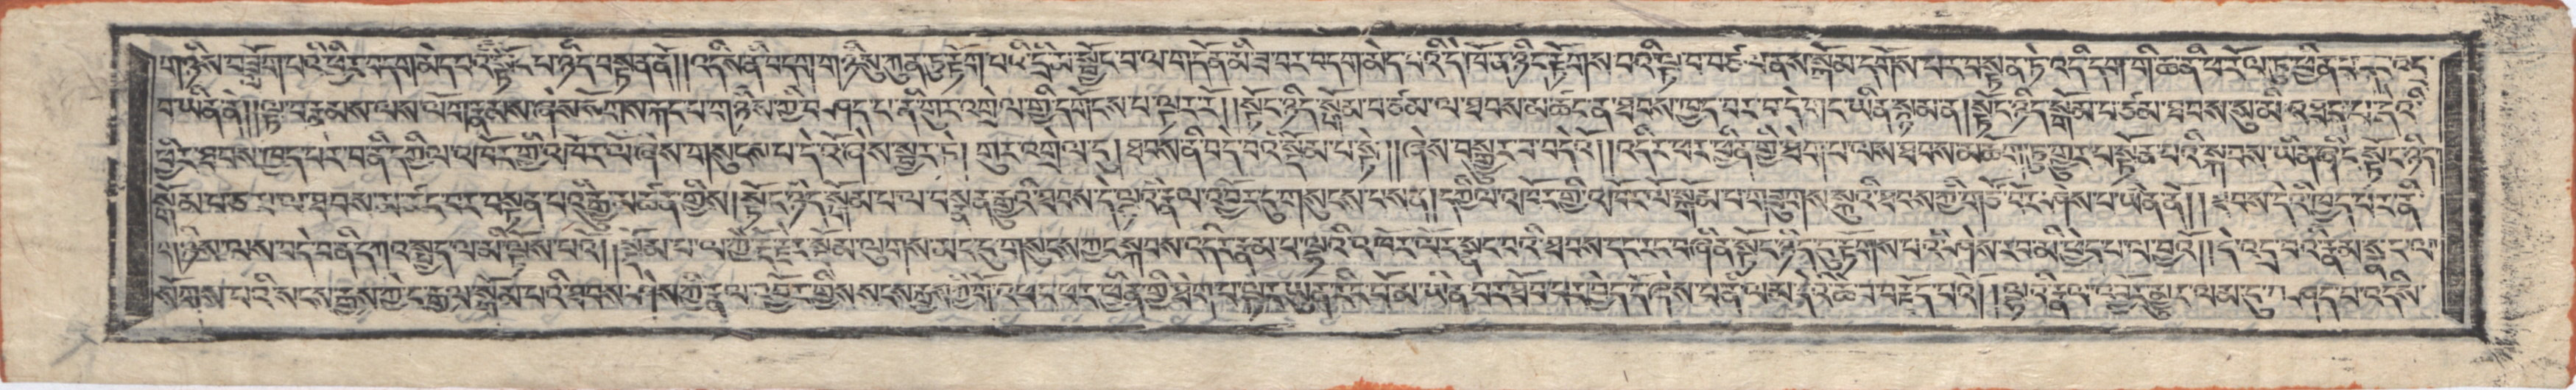གཉིས་བཟློག་པའི་ཕྱིར་བདག་མེད་པའི་སྟོང་པ་ཉིད་བསྟན་ནོ། །འདིས་ནི་བདག་གཉིས་སུ་ཀུན་ཏུ་རྟོག་པའི་དྲི་མ་སྦྱོང་བ་ལ་གདོན་མི་ཟ་བར་བདག་མེད་པའི་དེ་ཁོ་ན་ཉིད་རྟོགས་པའི་ལྟ་བ་བཙལ་ནས་སྒོམ་དགོས་པར་བསྟན་ཏེ་འདི་དག་གི་ཆ་ནི་ཕ་རོལ་ཏུ་ཕྱིན་པ་དང་འདྲ་
བ་ཡིན་ནོ། །ལྟ་བ་རྣམས་ལས་ལོག་རྣམས་ཞེས་སོགས་རྐང་པ་གཉིས་ཀྱི་བཤད་པ་ནི་གུར་འགྲེལ་གྱི་དགོངས་པ་ལྟར་རོ། །སྟོང་ཉིད་སྒོམ་པ་ཙམ་ལ་ཐབས་མ་ཚང་ན་ཐབས་ཁྱད་པར་བ་དེ་གང་ཡིན་སྙམ་ན། སྟོང་ཉིད་སྒོམ་པ་ཙམ་ཐབས་སུ་མི་འཐད་པ་དེའི་
ཕྱིར་ཐབས་ཁྱད་པར་བ་ནི་དཀྱིལ་འཁོར་གྱི་འཁོར་ལོ་ཞེས་གསུངས་པ་དེ་འོ་ཞེས་སྦྱར་ཏེ། གུར་འགྲེལ་དུ། ཐབས་ནི་བདེ་བའི་སྡོམ་པ་སྟེ། །ཞེས་བསྒྱུར་བ་བདེའོ། །འདིར་ཕར་ཕྱིན་གྱི་ཐེག་པ་ལས་ཐབས་མཆོག་ཏུ་གྱུར་པ་སྟོན་པའི་སྐབས་ཡིན་ཞིང་སྟོང་ཉིད་
སྒོམ་པ་ཙམ་ལ་ཐབས་མ་ཚང་བར་བསྟན་པའི་རྒྱུ་མཚན་གྱིས། །སྟོང་ཉིད་སྒོམ་པ་ལ་བསྣན་རྒྱུའི་ཐབས་དེ་ལྷའི་རྣལ་འབྱོར་དུ་གསུངས་པས་ན། དཀྱིལ་འཁོར་གྱི་འཁོར་ལོ་སྒོམ་པ་གཟུགས་སྐུའི་ཐབས་ཀྱི་གཙོ་བོར་ཤེས་པ་ཡིན་ནོ། །ཐབས་དེའི་ཁྱད་པར་ནི་
གཉིས་ལས་བདེ་བ་ནི་དཀའ་སྤྱད་ལ་མི་ལྟོས་པའོ། །སྡོམ་པ་ལ་ཀྱཻ་རྡོ་རྗེར་སྡོམ་ལུགས་མང་དུ་གསུངས་ཀྱང་སྐབས་འདིར་རྣམ་པ་ལྷའི་འཁོར་ལོར་སྣང་བའི་ཐབས་དང་རང་བཞིན་སྟོང་ཉིད་དུ་རྟོགས་པའི་ཤེས་རབ་མི་ཕྱེད་པ་ལ་བྱའོ། །དེ་འདྲ་བའི་རྣམ་སྣང་ལ་
སོགས་པའི་སངས་རྒྱས་ཀྱི་ང་རྒྱལ་སྒོམ་པའི་ཐབས་ཤེས་ཀྱི་རྣལ་འབྱོར་གྱིས་སངས་རྒྱས་ཀྱི་གོ་འཕང་ཕར་ཕྱིན་གྱི་ཐེག་པ་ལྟར་ཡུན་རིང་པོ་མ་ཡིན་པར་ཐོབ་པར་བྱེད་དོ་ཞེས་པ་ནི་ལམ་དེའི་ཆེ་བ་བརྗོད་པའོ། །ལྷའི་རྣལ་འབྱོར་མྱུར་ལམ་དུ་བཤད་པ་འདིས་